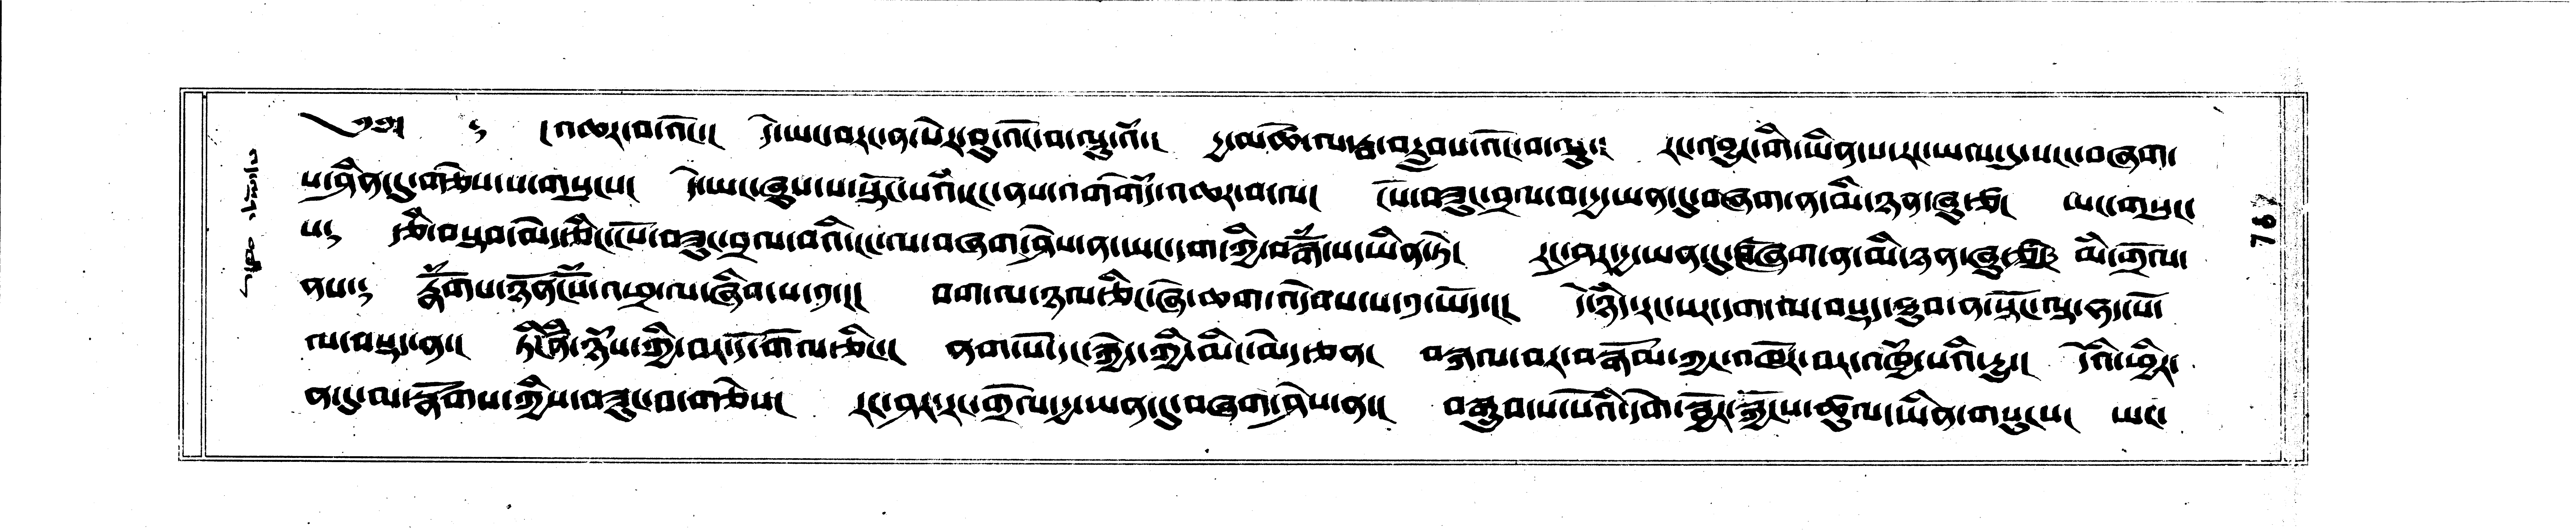འཆར་བ་འོང་། དེ་ཡང་བར་སྣང་སེར་བུ་འོངས་བ་ལྟ་བུའམ། རྒྱ་མཚོ་ལ་རྦ་རླབས་འོངས་བ་ལྟ་བུ། རང་འབྱུང་གི་ཡིན་པ་རང་ཡལ་དུ་སངས་སངས་བཞག་
པ་ཤིན་ཏུ་གཅེས་པ་གསུངས། དེ་ཡང་ཞུས་པ་སྟོང་པའི་ངང་ནས་འགག་མེད་འཆར་བ་ལ། ངོས་བཟུང་བྲལ་བ་རྒྱ་ཡན་དུ་བཞག་ན་མི་ཉན་ཞུས་ཙ། ཡང་གསུངས་
པ། རྩི་བསྟབ་༼བརྡབ༽མེད་ཅིང་ངོས་བཟུང་བྲལ་བའི་ངང་ལ་བཞག་ཤེས་ན་ཡང་དག་གི་སྒོམ་པ་ཡིན་ཏེ། རང་ཤར་རྒྱ་ཡན་དུ་མི་གྲོལ་
ན། རྣམ་རྟོག་ཉོན་མོངས་འཕྲ་ལ་ཞིབ་པ་ཞིག བག་ལ་ཉལ་ཞིང་ཞེན་ཆགས་འདེབས་པ་ཅིག་ཡོད། དེ་ཉིད་རང་སར་དག་མ་{བསྡད}་ཐུབ་ནས། སྟོང་ལྟ་ཧད་པོ
་ལ་བསྡད་ན། ཏིང་འཛིན་ཉམས་ཀྱི་བར་དོ་གོལ་ཅིང་། ནག་པོ་‘བོག་’དང་སྐྱེད་ཀྱི་མིང་མེད་ཅན། བསྐལ་བར་བསྒོམས་ཀྱང་འཁོར་བར་འཁྱམས་པའི་རྒྱུ། དེའི་ཕྱིར་
ན་དུ་མ་སྣ་ཚོགས་ངོས་ཀྱིས་བཟུང་བར་གཅེས། རང་ཤར་རང་གྲོལ་རྒྱ་ཡན་དུ་བཞག་ཤེས་ན། སྒྲུབ་པ་པོའི་དགེ་སྦྱོར་སྐྱོང་ཚུལ་ཡིན་གསུངས། ཡང་